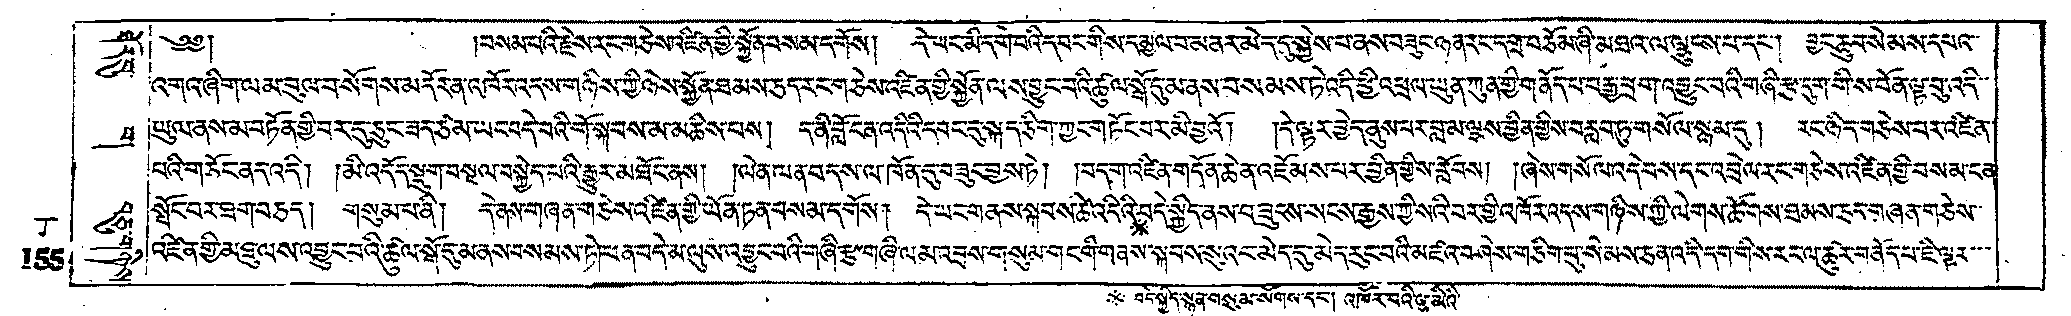༄༅། །བསམ་པའི་རྗེས་རང་གཅེས་འཛིན་གྱི་སྐྱོན་བསམ་དགོས། དེ་ཡང་མི་དགེ་བའི་དབང་གིས་དམྱལ་བ་མནར་མེད་དུ་སྐྱེས་པ་ནས་བཟུང་ཉན་རང་དགྲ་བཅོམ་ཞི་མཐའ་ལ་ལྷུངས་པ་དང་། བྱང་ཆུབ་སེམས་དཔའ་་་
འགའ་ཞིག་ལམ་བུལ་བ་སོགས་མདོར་ན་འཁོར་འདས་གཉིས་ཀྱི་ཉེས་སྐྱོན་ཐམས་ཅད་རང་གཅེས་འཛིན་གྱི་སྐྱོན་ལས་བྱུང་བའི་ཚུལ་སྒོ་དུ་མ་ནས་བསམས་ཏེ་འདི་ཕྱི་འཕྲལ་ཡུན་ཀུན་གྱི་གནོད་པ་བརྒྱ་ཕྲག་འབྱུང་བའི་གཞི་རྩ་དུག་གི་ས་བོན་ལྟ་བུ་འདི་་་
ཡུལ་ནས་མ་བཏོན་གྱི་བར་དུ་ཅུང་ཟད་ཙམ་ཡང་བདེ་བའི་གོ་སྐབས་མ་མཆིས་པས། ད་ནི་བློ་ངན་འདིའི་དབང་དུ་སྐད་ཅིག་ཀྱང་གཏོང་བར་མི་བྱའོ། །དེ་ལྟར་བྱེད་ནུས་པར་བླ་མ་ལྷས་བྱིན་གྱིས་བརླབ་ཏུ་གསོལ་སྙམ་དུ། རང་ཉིད་གཅེས་པར་འཛིན་་་
པའི་གཅོང་ནད་འདི། །མི་འདོད་སྡུག་བསྔལ་བསྐྱེད་པའི་རྒྱུར་མཐོང་ནས། །ལེན་ལན་བདས་ལ་ཁོན་དུ་བཟུང་བྱས་ཏེ། །བདག་འཛིན་གདོན་ཆེན་འཇོམས་པར་བྱིན་གྱིས་རློབས། །ཞེས་གསོལ་འདེབས་དང་འབྲེལ་རང་གཅེས་འཛིན་གྱི་བསམ་ངན་
སྤོང་བར་ཐག་བཅད། གསུམ་པ་ནི། དེ་ནས་གཞན་གཅེས་འཛིན་གྱི་ཡོན་ཏན་བསམ་དགོས། དེ་ཡང་གནས་སྐབས་ཚེ་འདིའི་བདེ་སྐྱིད་ནས་བཟུངས་སངས་རྒྱས་ཀྱི་སའི་བར་གྱི་འཁོར་འདས་གཉིས་ཀྱི་ལེགས་ཚོགས་ཐམས་ཅད་གཞན་གཅེས་་་
འཛིན་གྱི་མཐུ་ལས་འབྱུང་བའི་ཚུལ་སྒོ་དུ་མ་ནས་བསམས་ཏེ། ཕན་བདེ་མ་ལུས་འབྱུང་བའི་གཞི་རྩ་གཞི་ལམ་འབྲས་གསུམ་གང་གི་གནས་སྐབས་སུའང་མེད་དུ་མེད་རུང་བའི་མཛའ་བཤེས་གཅིག་པུ་སེམས་ཅན་འདི་དག་གིས་རང་ལ་ཚུར་གནོད་པ་ཇི་ལྟར་་་